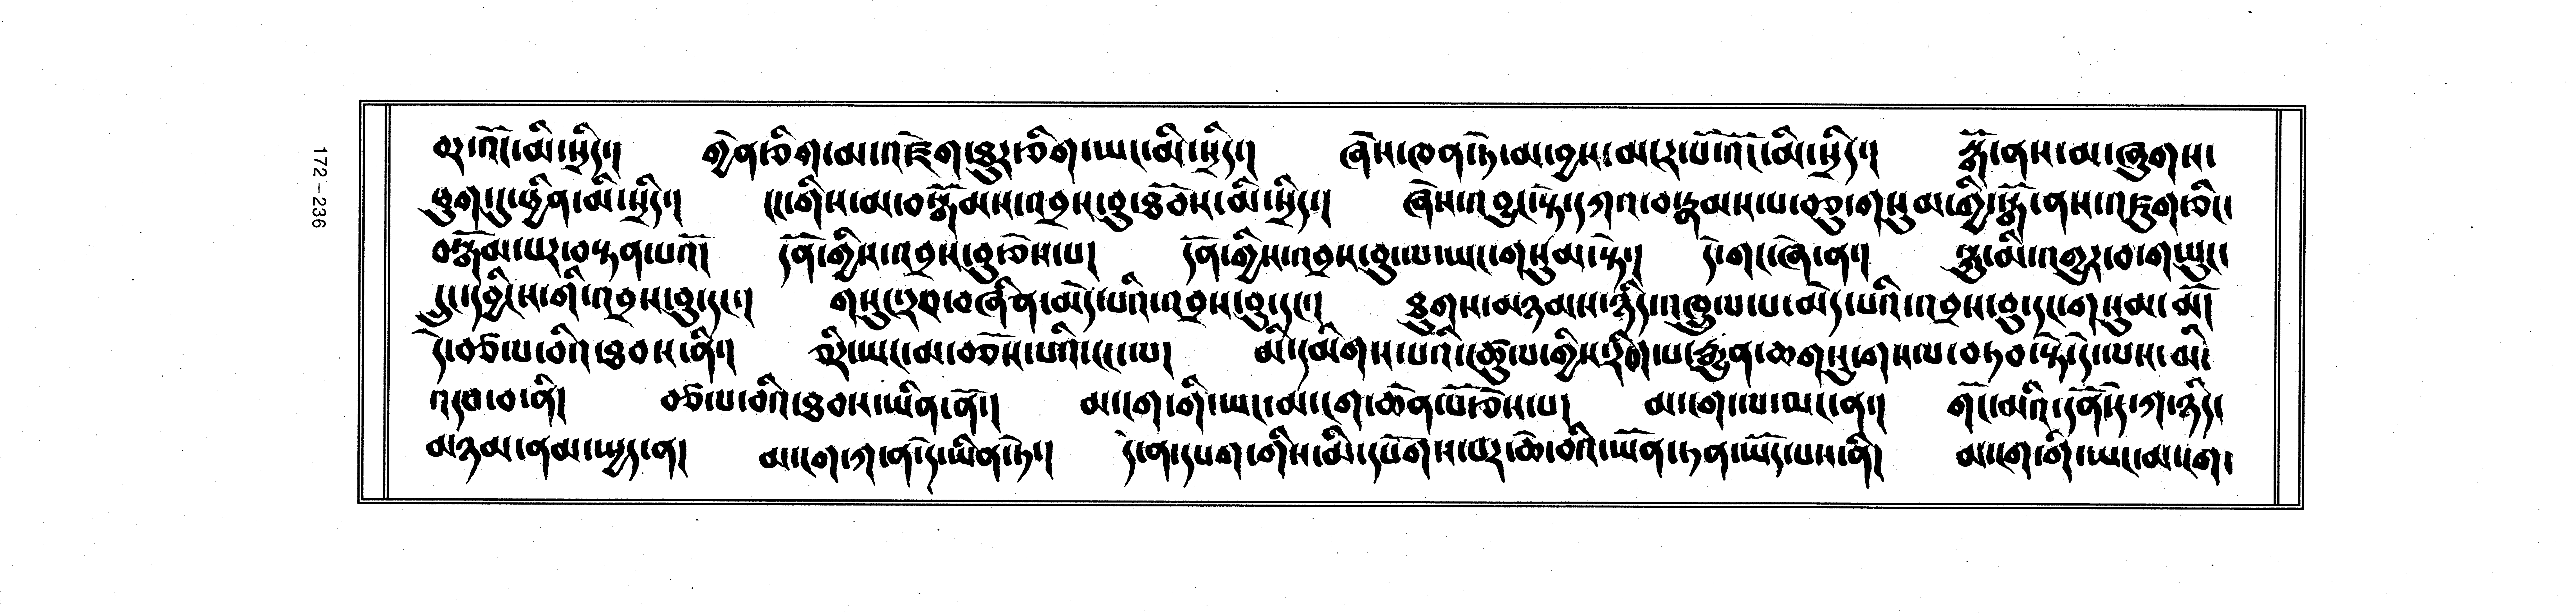བར་འོང་མི་སྲིད། གྱེན་ཅིག་མ་འཛེག་ཐུར་ཅིག་ཡང་མི་སྲིད། ཞེས་ཁན་ཏེ་མ་བྱས་མངར་པོ་འོང་མི་སྲིད། སྒོ་ནས་མ་ཞུགས་
ཕུག་དུ་ཕྱིན་མི་སྲིད། ངང་གིས་མ་བསྒོམས་འབྲས་བུ་ཐོབས་མི་སྲིད། ཞེས་འབྱུང་སྟེ་དཀའ་བ་རྣམ་པ་བཅུ་གསུམ་གྱི་སྒོ་ནས་འཇུག་ཅིང་
བསྒོམས་པར་བསྟན་པའོ། དོན་གྱིས་འབྲས་བུ་ཅེས་པ། དོན་གྱིས་འབྲས་བུ་ལ་ཡང་གསུམ་སྟེ། དེ་གང་ཞེ་ན། སྐུ་མི་འགྱུར་བ་གཡུང་
དྲུང་དབྱིངས་གི་འབྲས་བུ་དང་། གསུང་རང་བཞིན་མེད་པའི་འབྲས་བུ་དང་། ཐུགས་མཉམས་ཉིད་འཁྲུལ་པ་མེད་པའི་འབྲས་བུ་དང་གསུམ་མོ། 
དེ་བཙལ་བའི་ཐབས་ནི། ཅིར་ཡང་མ་བཅོས་པའི་ངང་ལ། མི་དམིགས་པའི་ཚུལ་གྱིས་རིག་པ་རྒྱུན་ཆགས་སུ་གསལ་བཏབ་སྟེ་དེ་ལས་མི་
འདའ་བ་ནི། བཙལ་བའི་ཐབས་ཡིན་ནོ། མ་ངག་གི་ཡང་མ་ངག་གི་ཡང་མན་ངག་ཆེན་པོ་ཅེས་པ། མན་ངག་ལ་མང་ན། གོང་མའི་དོན་དེ་ཀ་ཉིད་
མཉམ་པར་སྤྱད་ན། མན་ངག་ཀ་ན་དེ་ཡིན་ཏེ། དེ་ན་དཔག་གིས་མི་དཔག་དོག་པར་ཆེ་བའི་ཡོན་ཏན་ཡོད་པས་ནི། མན་ངག་གི་ཡང་མན་ངག་